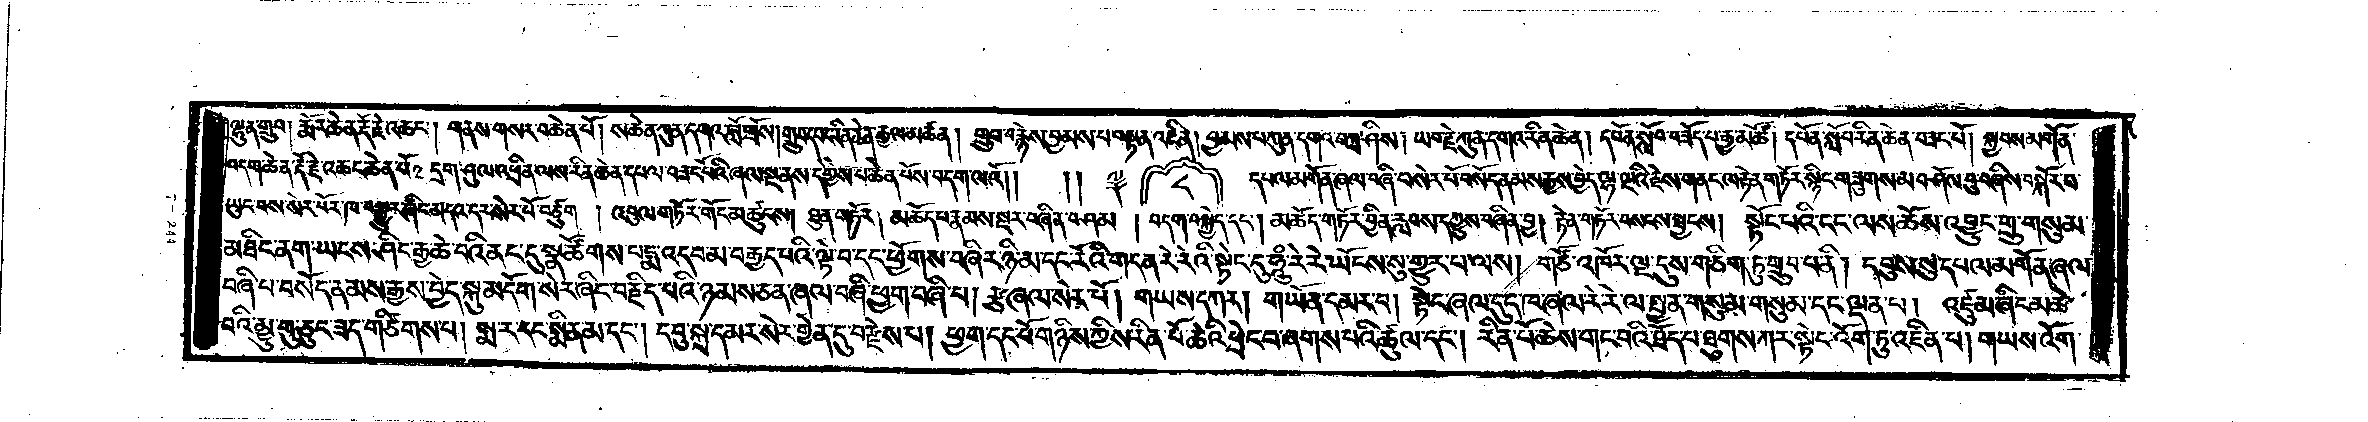ལྷུན་གྲུབ། རྨོར་ཆེན་རྡོ་རྗེ་འཆང་། གནས་གར་བ་ཆེན་པོ་ས་ཆེན་ཀུན་དག་བློ་གྲོ་སྒྲུབ་དབང་རིན་ཆེན་རྒྱལ་མཚན། གྲུབ་བ་རྙེས་བྱམས་པ་བསྟན་འཛིན། བྱམས་བཀུན་དགའ་བཀྲ་ཤིས། ཡ་རྗེ་ཀུན་དགའ་རིན་ཧེ། དཔོན་སློབ་བཟོད་པ་རྒྱ་མོ། དཔོན་སློབ་རིན་ཆེ་བཟང་པོ། སྐྱབས་མགོན་
བདག་ཆེན་རྡོ་རྗེ་འཆང་ཆེན་ཕོ་དྲག་སུལ་འཕྲིན་ལས་རིན་ཆེན་དཔལ་བཟང་པོའི་ཞལ་སྔ་ནས་དགྱེས་པ་ཆེན་ལོས་བདག་ལའོ།། །།༈ ༼༽༨༼༽ དཔལ་མགོན་ཞལ་བཞི་པ་སེར་པོ་བསོད་ནམས་རྒྱས་བྱེད་ལྷ་ལྔའི་རྗེས་གནད་ལ་རྟེན་གཏོར་སྙིང་གཟུགས་མ་ཤོས་བུ་བཞིས་བསྐོར་བ་
ཡུང་བས་སེར་པོར་ཁ་བསྒྱུར་ཞིང་མདའ་དར་སེར་པོ་བཙུག། འབུལ་གཏོར་གོང་མཚུངས། ཐུན་གཏོར། མཆོད་པ་རྣམས་ལྔར་བཞིན་བཤམ། བདག་སྐྱེད་དང་། ཆོད་གཏོར་བྱིན་རླབས་དཀྱུས་བཞིན་བྱ། རྟེན་ག་ཏོར་བསངས་སྦྱངས། སྟོང་པའི་དང་ལས་ཆོས་འབྱུང་གྲུ་གསུམ་
མཐིང་ནག་ཡངས་ཤིང་རྒྱ་ཆེ་བའི་ནང་དུ་སྣ་ཚོགས་པདམ་འདབ་མ་བརྒྱད་པའི་ལྟེ་བ་དང་ཕྱོགས་བཞིར་ཉི་པ་དང་རོའི་གདན་རེ་རེའི་སྟེང་དུ་ཧཱུཾ་རེ་རེ་ཡོངས་སུ་གྱུར་པ་ལས། གཙོ་འཁོར་ལྔ་དུས་གཅིག་ཏུ་གྲུབ་པ་ནི། དབུས་སུ་དཔལ་མགོན་ཞལ་
བཞི་པ་བསོད་ནམས་རྒྱས་བྱས་སྐུ་མདོག་སེར་ཞིང་བརྗོད་པའི་ཉམས་ཅན་ཞལ་བཞི་ཕྱག་བཞི་པ། རྩ་ཞལ་སེར་པོ། གཡས་དཀར། གཡོན་དམར་བ། སྟེང་ཞལ་དུང་ཁ་ཞལ་རེ་རེ་ལ་སྤྱན་གསུམ་གསུམ་དང་ལྡན་པ། འཛུམ་ཞིང་མཆེས་
བའི་མྱུ་གུ་ཅུང་ཟད་གཙིགས་པ། སྨར་དང་སྨིན་མ་དང་། དབུ་སྐྲ་དམར་སེར་གྱེན་དུ་རྗེས་པ། ཕྱག་དང་པོ་གཉིས་ཀྱིས་རིན་པོ་ཆེའི་ཕྲེང་བ་ཞགས་པའི་ཚུལ་དང་། རིན་པོ་ཆེས་གང་བའི་ཐོད་པ་ཐུགས་ཀར་སྟེང་འོག་ཏུ་འཛིན་པ། གཡས་འོག་